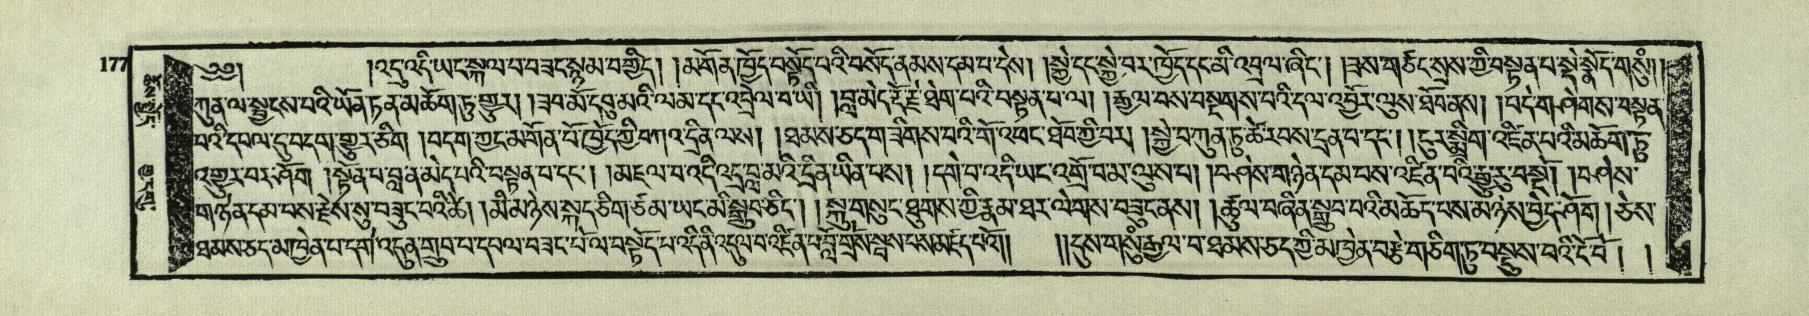༄༅། །འདུ་འདི་ཡང་སྐལ་པ་བཟང་སྙམ་བགྱིད། །མགོན་ཁྱོད་བསྟོད་པའི་བསོད་ནམས་དམ་པ་དེས། །སྐྱེ་དང་སྐྱེ་བར་ཁྱོད་དང་མི་འབྲལ་ཞིང་། །ཟས་གཙང་སྲས་ཀྱི་བསྟན་པ་སྡེ་སྣོད་གསུཾ།།
ཀུན་ལ་སྦྱངས་པའི་ཡོན་ཏན་མཆོག་ཏུ་གྱུར། །ཟབ་མོ་དབུ་མའི་ལམ་དང་འབྲེལ་བ་ཡི། །བླ་མེད་རྡོ་རྗེ་ཐེག་པའི་བསྟན་པ་ལ། །རྒྱལ་བས་བསྔགས་པའི་དལ་འབྱོར་ལུས་ཐོབ་ནས། །བདེ་གཤེགས་བསྟན་
པའི་དཔལ་དུ་བདག་གྱུར་ཅིག །བདག་ཀྱང་མགོན་པོ་ཁྱོད་ཀྱི་བཀའ་དྲིན་ལས། །ཐམས་ཅད་གཟིགས་པའི་གོ་འཕང་ཐོབ་ཀྱི་བར། །སྐྱེ་བ་ཀུན་ཏུ་ཚེ་རབས་དྲན་པ་དང་། །ངུར་སྨྲིག་འཛིན་པའི་མཆོག་ཏུ་
འགྱུར་བར་ཤོག །སྟོན་པ་བླ་ན་མེད་པའི་བསྟན་པ་དང་། །མཇལ་བ་འདི་འདྲ་བླ་མའི་དྲིན་ཡིན་པས། །དགེ་བ་འདི་ཡང་འགྲོ་བ་མ་ལུས་པ། །བཤེས་གཉེན་དམ་པས་འཛིན་བའི་རྒྱུ་རུ་བསྔོ། །བཤེས་
གཉེན་དམ་པས་རྗེས་སུ་བཟུང་བའི་ཚེ། །མི་མཉེས་སྐད་ཅིག་ཙམ་ཡང་མི་སྒྲུབ་ཅིང་། །སྐུ་གསུང་ཐུགས་ཀྱི་རྣམ་ཐར་ལེགས་བཟུང་ནས། །ཚུལ་བཞིན་སྒྲུབ་པའི་མཆོད་པས་མཉེས་བྱེད་ཤོག །ཅེས་
ཐམས་ཅད་མཁྱེན་པ་དགེ་འདུན་གྲུབ་པ་དཔལ་བཟང་པོ་ལ་བསྟོད་པ་འདི་ནི་འདུལ་བ་འཛིན་པ་བློ་གྲོས་སྦས་པས་མཛད་པའོ།། །།དུས་གསུཾ་རྒྱལ་བ་ཐམས་ཅད་ཀྱི་མཁྱེན་བརྩེ་གཅིག་ཏུ་བསྡུས་བའི་ངོ་བོ། །